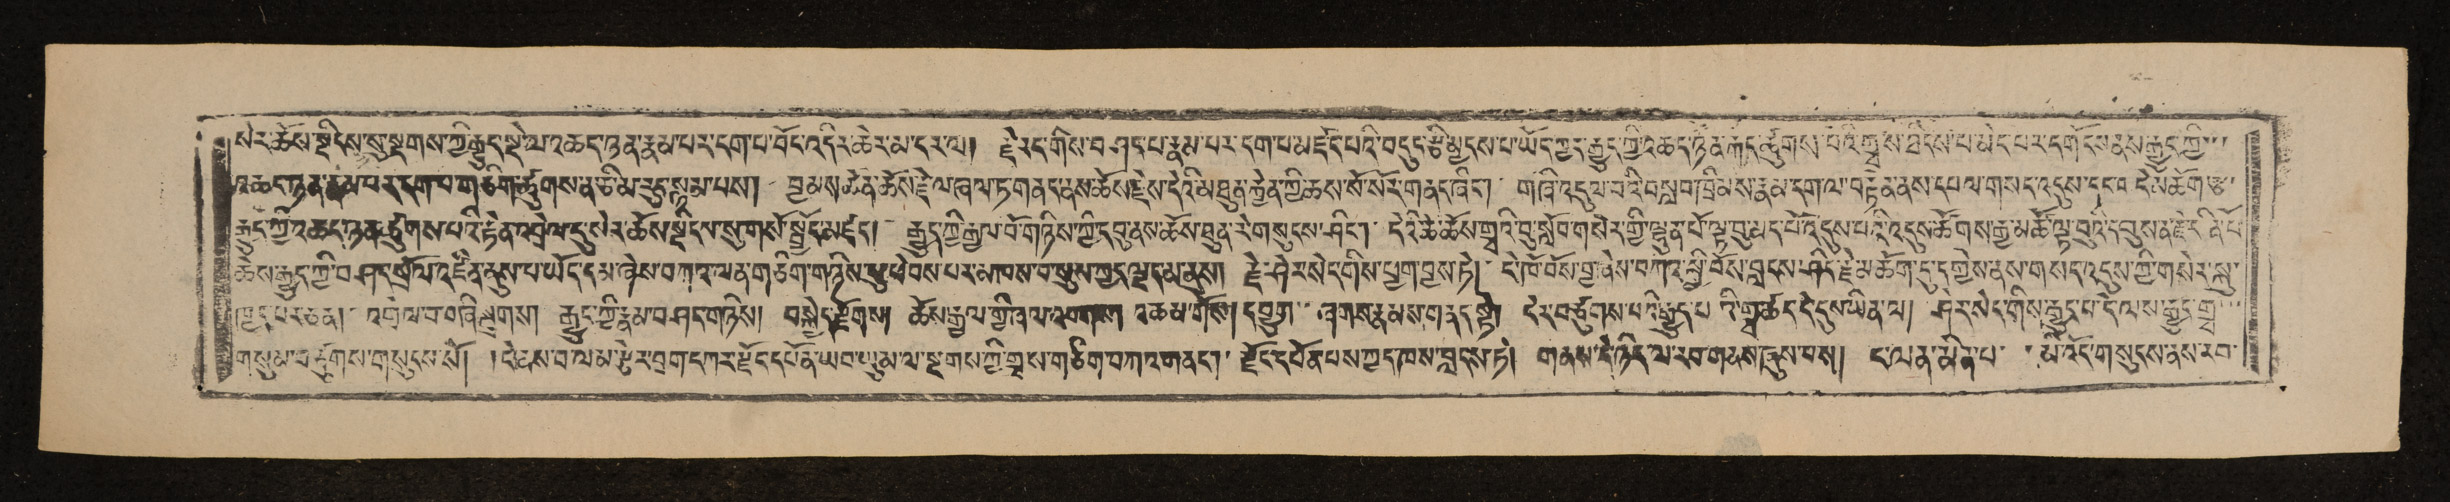སེར་ཆོས་སྡིང་བ་སུ་སྔགས་ཀྱི་རྒྱུད་སྡེ་ལ་འཆད་ཉན་རྣམ་པར་དག་པ་བོད་འདིར་ཆེར་མངར་ལ། རྗེ་རང་གིས་བཤད་པ་རྣམ་པར་དག་པ་མཛད་པའི་བདུད་རྩི་མྱངས་པ་ཡོད་ཀྱང་རྒྱུད་ཀྱི་འཆད་ཉན་རྐང་ཚུགས་པའི་གྲྭས་ཐིངས་བ་མེད་པར་དགོངས་ནས་རྒྱུད་ཀྱི་
འཆད་ཉན་རྣམ་པར་དག་པ་གཅིག་ཚུགས་ན་ཅི་མ་རུང་སྙམ་པས། བྱམས་ཆེན་ཆོས་རྗེ་ལ་ཞལ་ཏ་གནང་ནས་ཆོས་རྗེས་དེའི་མཐུན་རྐྱེན་ཀྱི་ཆས་སོ་སོར་གནང་ཞིང་། གཞི་འདུལ་བའི་བསླབ་ཁྲིམས་རྣམ་དག་ལ་བརྟེན་ནས་དཔལ་གསང་འདུས་དང་བདེ་མཆོག་རྩ་
རྒྱུད་ཀྱི་འཆད་ཉན་ཚུགས་བའི་རྟེན་འབྲེལ་དུ་སེ་ར་ཆོས་སྡིངས་སུ་གསོ་སྦྱོང་མཛད། རྒྱུད་ཀྱི་རྒྱལ་པོ་གཉིས་ཀྱི་དབུ་ནས་ཆོས་ཐུན་རེ་གསུངས་ཤིང་། དེའི་ཚེ་ཆོས་གྲྭའི་བུ་སློབ་གསེར་གྱི་ལྷུན་པོ་ལྟ་བུ་མང་པོ་འདུས་བའི་འདུས་ཚོགས་རྒྱ་མཚོ་ལྟ་བུའི་དབུས་ན་རྗེ་རིན་པོ་
ཆེས་རྒྱུད་ཀྱི་བཤད་སྲོལ་འཛིན་ནུས་པ་ཡོད་དམ་ཞེས་བཀའ་ལན་གཅིག་གཉིས་སུ་ཕེབས་པར་མཁས་པ་སུས་ཀྱང་ལྡང་མ་ནུས། རྗེ་ཤེར་སེང་གིས་ཕྱག་བྱས་ཏེ། དེ་ཁོ་བོས་བྱ་ཞེས་བཀའ་སྤྱི་བོས་བླངས་ཤིང་རྗེ་མཆོག་ཏུ་དགྱེས་ནས་གསང་འདུས་ཀྱི་གསེར་སྐུ་
ཁྱད་པར་ཅན། འགྲེལ་བ་བཞི་སྦྲགས། རྒྱུད་ཀྱི་རྣམ་བཤད་གཉིས། བསྐྱེད་རྫོགས། ཆོས་རྒྱལ་གྱི་ཞལ་འབགས། འཆམ་གོས། དབྱུག་ཞགས་རྣམས་གནང་སྟེ། དེར་བཙུགས་པའི་རྒྱུད་པའི་གྲྭ་ཚང་དེ་དུས་ཡིན་ལ། ཤེར་སེང་གིས་རྒྱུད་པ་དེ་ལས་རྒྱུད་གྲྭ་
གསུམ་བཙུགས་གསུངས་སོ། །དེ་ནས་བ་ལམ་རྩེར་བྲག་དཀར་རྫོང་དབོན་ཡབ་ཡུམ་ལ་སྔགས་ཀྱི་གྲྭ་ས་གཅིག་བཀའ་གནང་། རྫོང་དབོན་པས་ཀྱང་ཁས་བླངས་ཏེ། གནས་དེ་ཉིད་ལ་རབ་གནས་ཞུས་པས། ད་ལན་མིན་པ་མི་འོང་གསུངས་ནས་རབ་